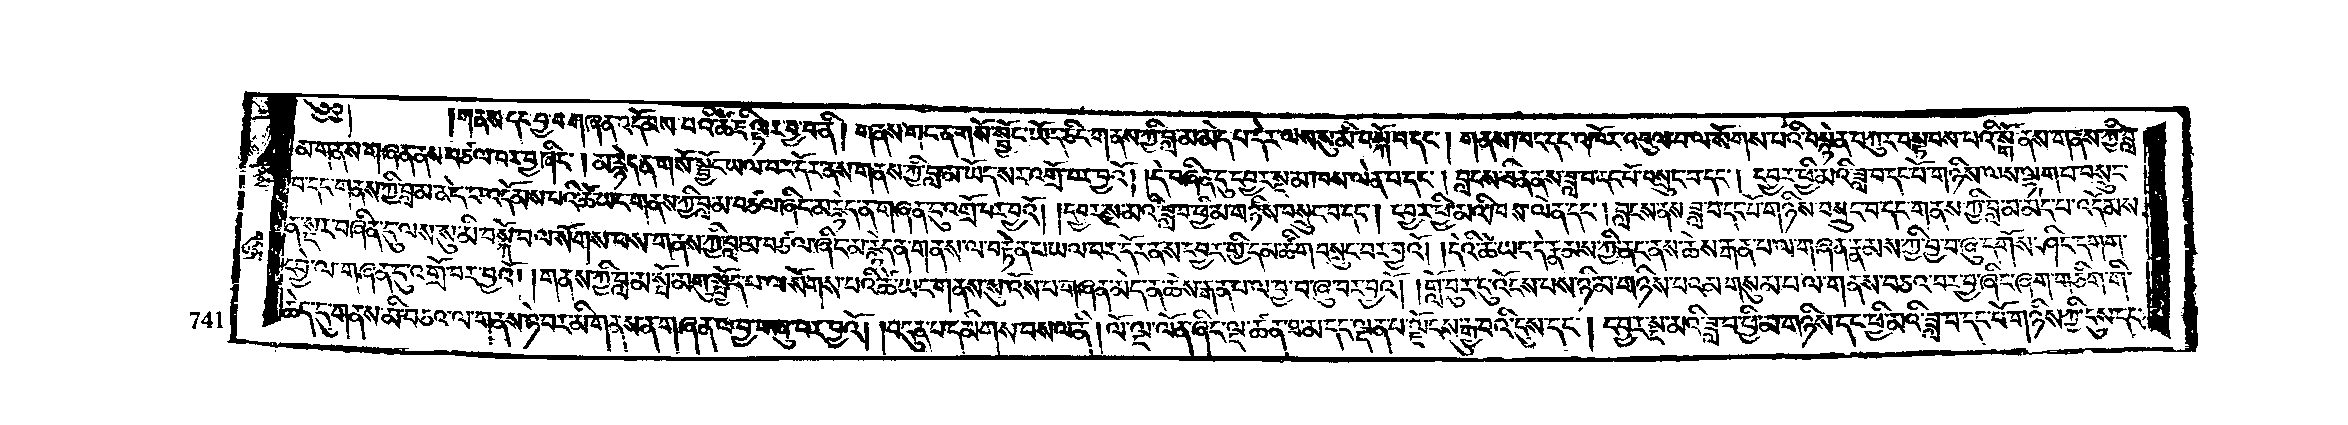༄༅། །གནས་དང་བྱ་བ་གཞན་འདོམས་པའི་ཚེ་ཇི་ལྟར་བྱ་བ་ནི། གནས་གང་ན་གསོ་སྦྱོང་ཡོད་ཅིང་གནས་ཀྱི་བླ་མ་མེད་པ་དེར་ལས་སུ་མི་བསྐོ་བ་དང་། གནས་ཁང་དང་འཁོར་འབུལ་བ་ལ་སོགས་པའི་བསྙེན་བཀུར་བསྟབས་པའི་སྒོ་ནས་གནས་ཀྱི་བླ་
མ་གནས་གཞན་ནས་བཙལ་བར་བྱ་ཞིང་། མ་རྙེད་ན་གསོ་སྦྱོང་ཡལ་བར་དོར་ནས་གནས་ཀྱི་བླ་མ་ཡོད་སར་འགྲོ་བར་བྱའོ། །དེ་བཞིན་དུ་དབྱར་སྔ་མ་ཁས་ལེན་པ་དང་། བླངས་ཟིན་ནས་ཟླ་བ་དང་པོ་བསྲུང་བ་དང་། དབྱར་ཕྱི་མའི་ཟླ་བ་དང་པོ་གཉིས་ལས་ལྷག་པ་བསྲུང་
བ་དང་གནས་ཀྱི་བླ་མ་མེད་པ་འདོམས་པའི་ཚེ་ཡང་གནས་ཀྱི་བླ་མ་བཙལ་ཞིང་མ་རྙེད་ན་གཞན་དུ་འགྲོ་པར་བྱའོ། །དབྱར་སྔ་མའི་ཟླ་བ་ཕྱི་མ་གཉིས་བསྲུང་བ་དང་། དབྱར་ཕྱི་མའི་ཁས་ལེན་དང་། བླངས་ནས་ཟླ་བ་དང་པོ་གཉིས་བསྲུང་བ་དང་གནས་ཀྱི་བླ་མ་མེད་པ་འདོམས་
ན་སྔར་བཞིན་དུ་ལས་སུ་མི་བསྐོ་བ་ལ་སོགས་པས་གནས་ཀྱི་བླ་མ་བཙལ་ཞིང་མ་རྙེད་ན་གནས་ལ་བརྟེན་པ་ཡལ་བར་དོར་ནས་དབྱར་གྱི་དམ་ཚིག་བསྲུང་བར་བྱའོ། །དེའི་ཚེ་ཡང་དེ་རྣམས་ཀྱི་ནང་ནས་ཆེས་རྒན་པ་ལ་གཞན་རྣམས་ཀྱི་བྱ་བ་ཞུ་དགོས་ཤིང་དགག་
དབྱེ་ལ་གཞན་དུ་འགྲོ་བར་བྱའོ། །གནས་ཀྱི་བླ་མ་སྤོ་མགུ་སྤྱོད་པ་ལ་སོགས་པའི་ཚེ་ཡང་གནས་སུ་འོས་པ་གཞན་མེད་ན་ཆེས་རྒན་པ་ལ་བྱ་བ་ཞུ་བར་བྱའོ། །གློ་བུར་དུ་འོངས་པས་ཉི་མ་གཉིས་པའམ་གསུམ་པ་ལ་གནས་བཅའ་བར་བྱ་ཞིང་ཞག་གཅིག་གི་
ཆེད་དུ་གནས་མི་བཅའ་ལ་གནས་ཉེ་བར་མི་གནས་ན་གཞན་ལ་བྱ་བ་ཞུ་བར་བྱའོ། །བདུན་པ་དམིགས་བསལ་ནི། ལོ་ལྔ་ལོན་ཞིང་ལྔ་ཚན་ཐ་མ་དང་ལྡན་པ་ལྗོངས་རྒྱུ་བའི་དུས་དང་། དབྱར་སྔ་མའི་ཟླ་བ་ཕྱི་མ་གཉིས་དང་ཕྱི་མའི་ཟླ་བ་དང་པོ་གཉིས་ཀྱི་དུས་དང་